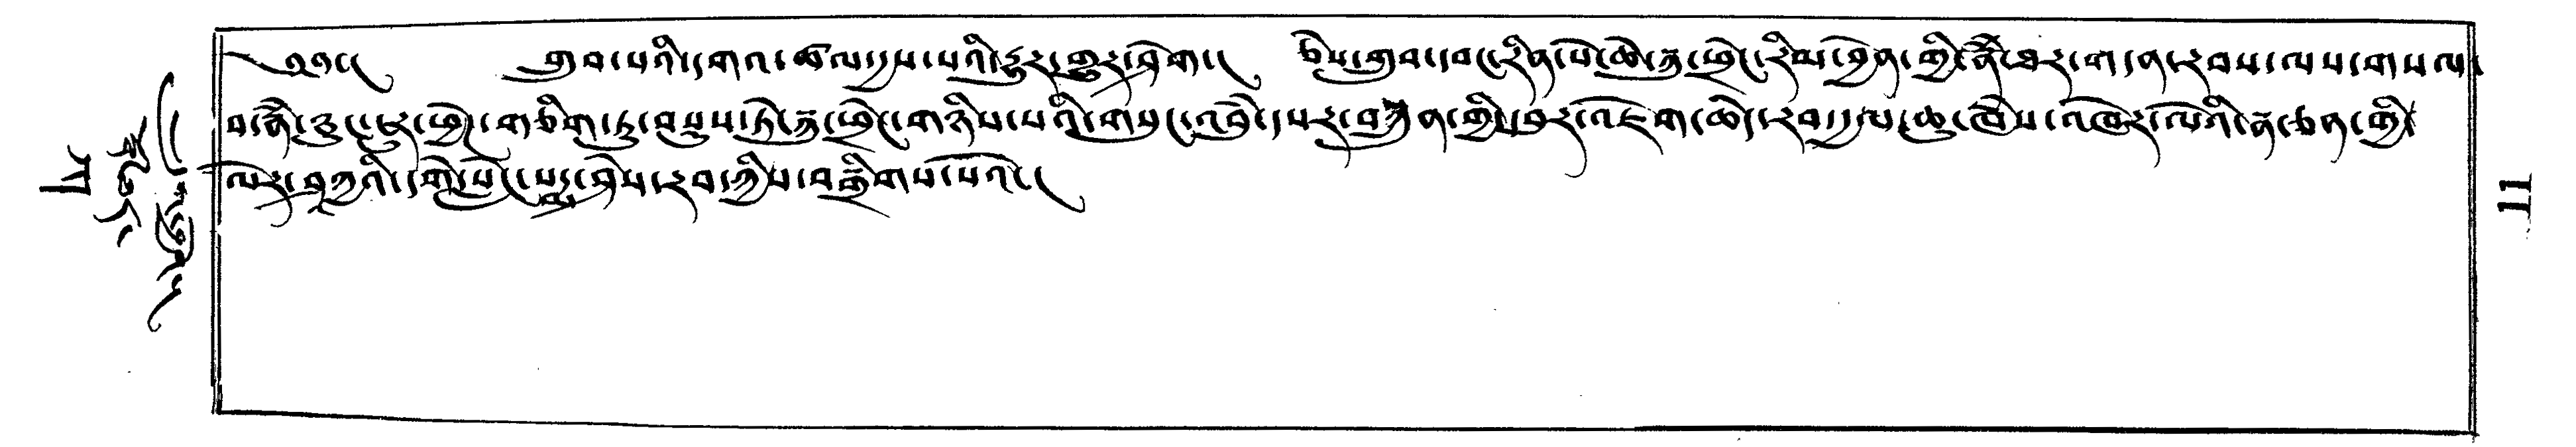གྲུབ་པའི་དགའ་ཚལ་རྒྱས་པའི་རྒྱུར་གྱུར་ཅིག །ཅེས་༧གྲུབ་དབང་རིན་པོ་ཆེ་སྐུ་ཕྲེང་རིམ་བྱོན་གྱི་རྣམ་ཐར་གདན་རབས་ལས་གསལ་
བ་རྣམས་ཉུང་ངུར་ཕྱོགས་གཅིག་ཏུ་བསྡུས་ཏེ་སྐུ་ཕྲེང་གཉིས་པའི་གསུང་འབུམ་དཔར་བསྐྲུན་གྱི་དབུར་འཇོག་ཆེད་རབ་རྒྱལ་ཆུ་ཁམས་འཁོར་ལོའི་སྣ་ཅན་གྱི་
ལོར་ཤཱཀྱའི་དགེ་སློང་པདྨ་ཤེས་རབ་ཀྱིས་བསྒྲིགས་པའོ།། །།